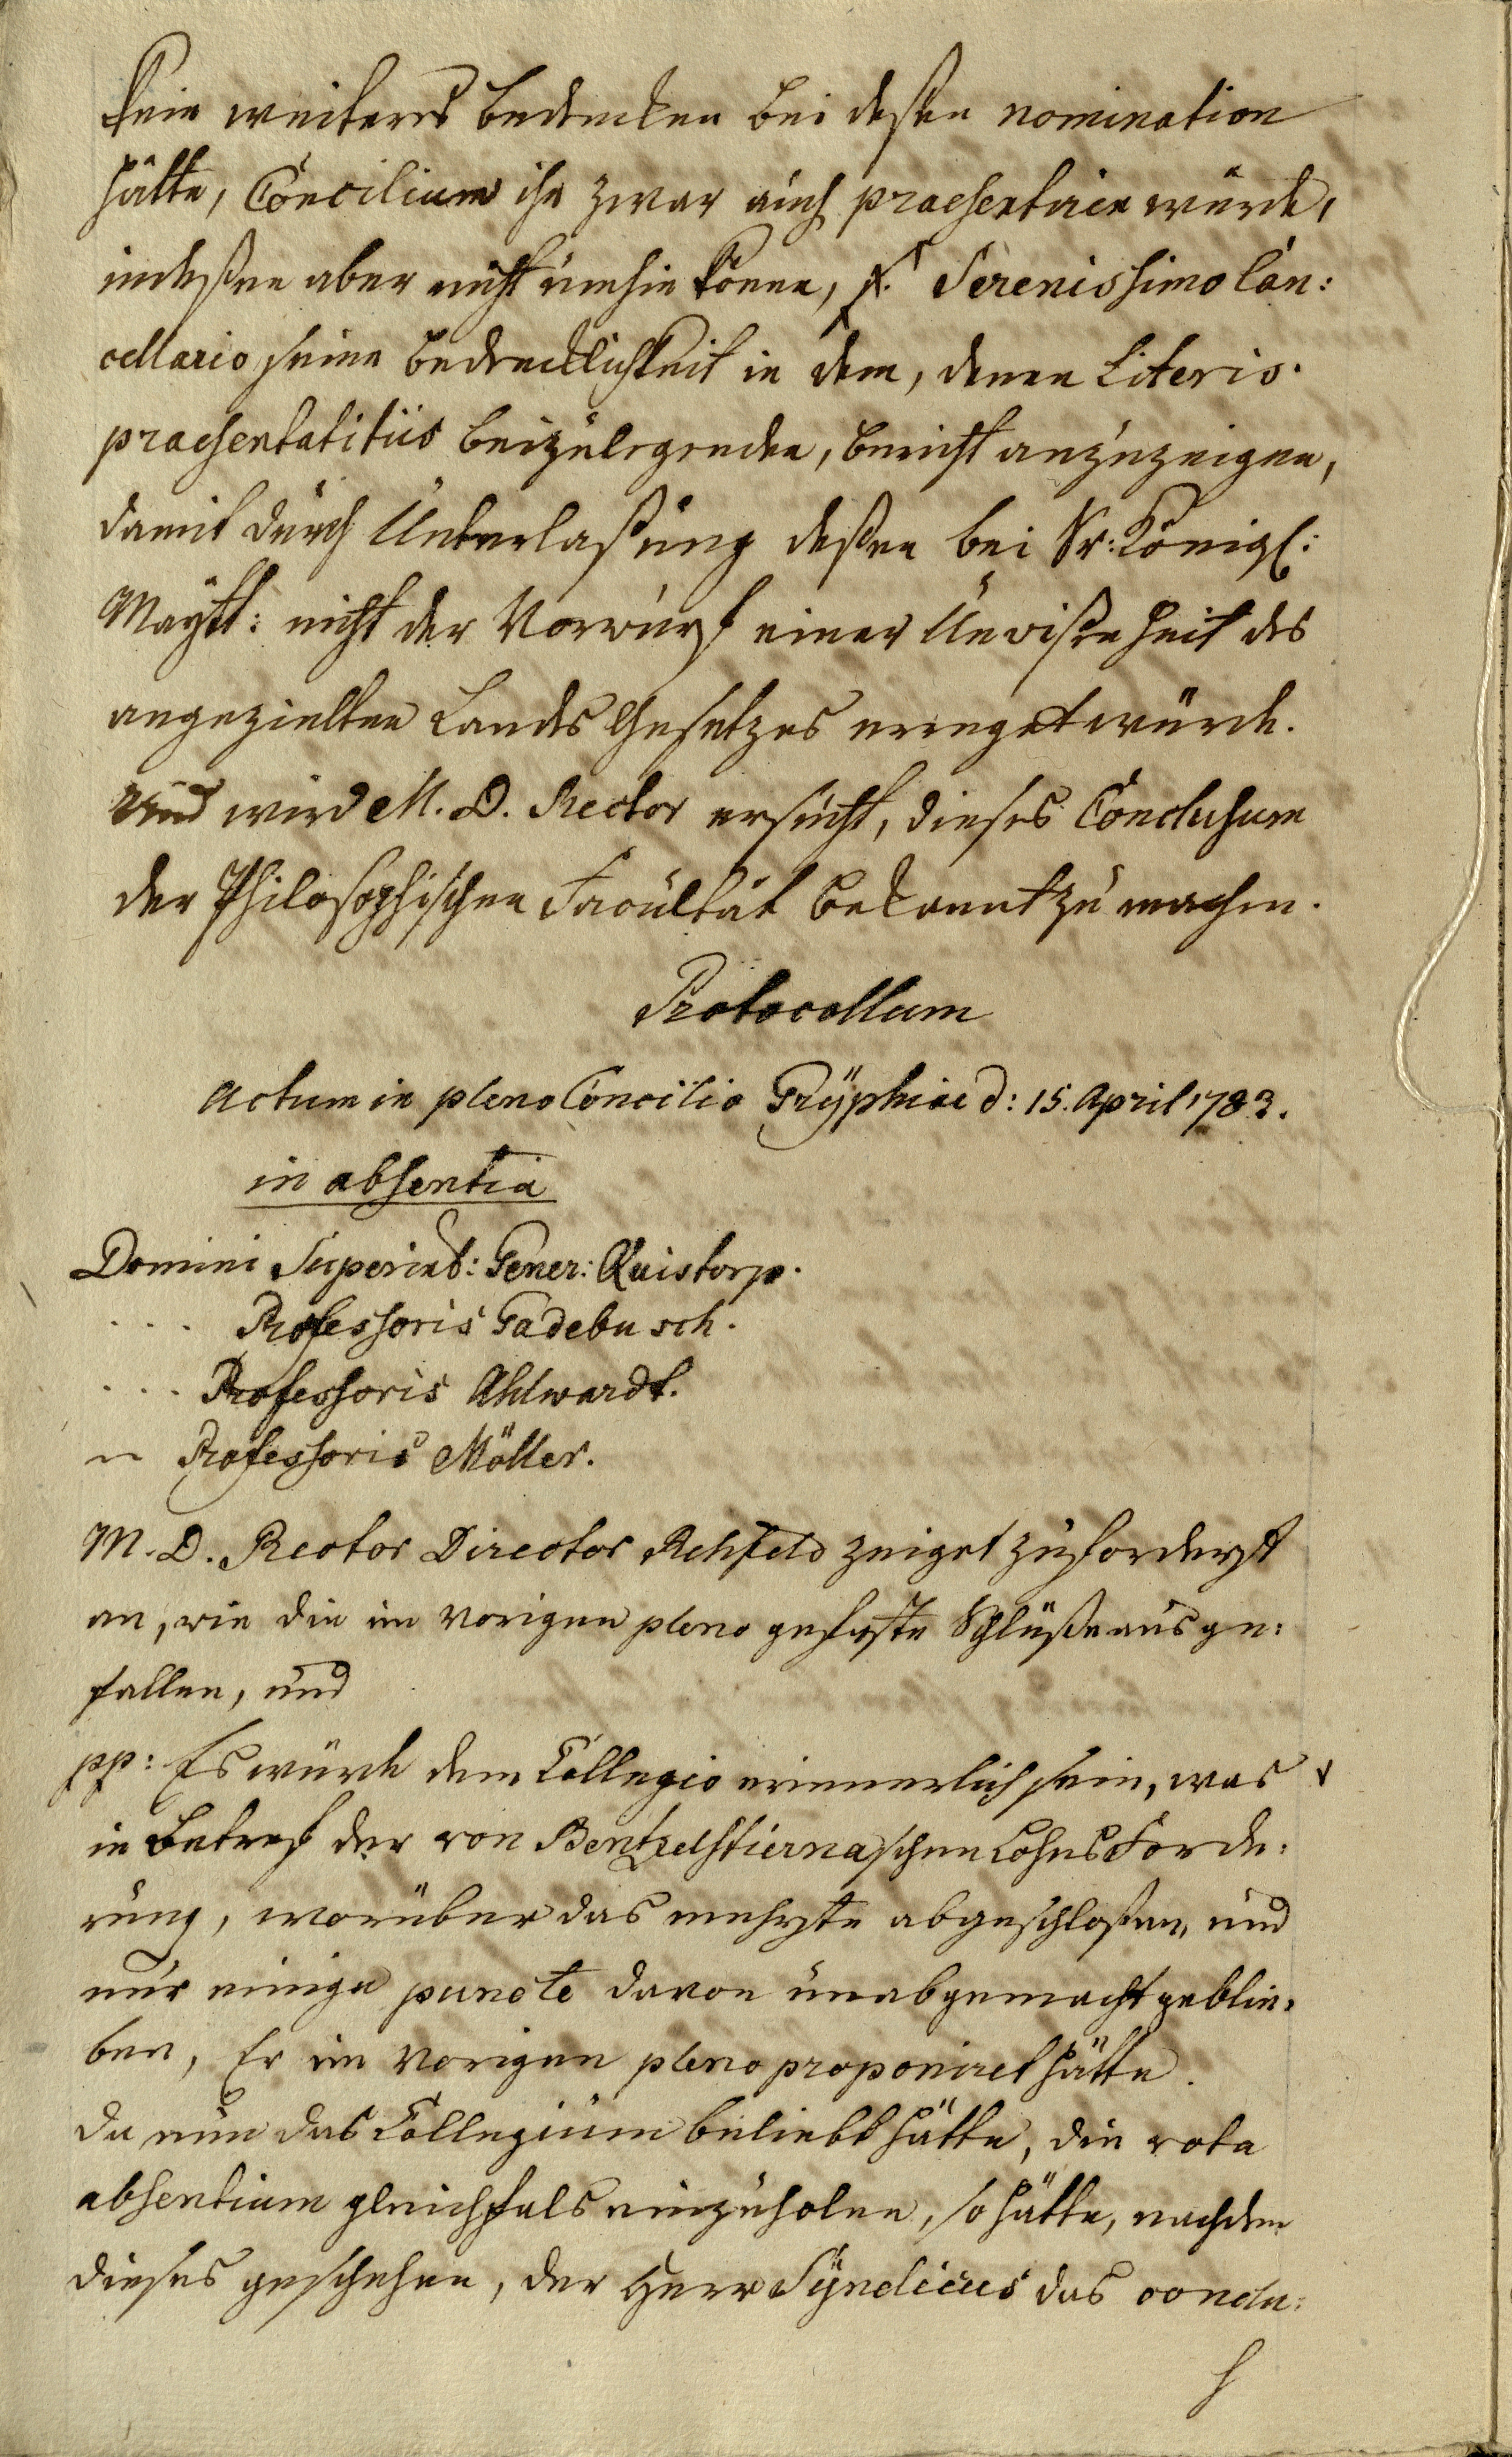kein weiteres Bedenken bei deßen nomination
hätte, Concilium ihn zwar auch praesentiren würde,
indeßen aber nicht umhin könne, Serenissimo Can¬
cellario seine Bedenklichkeit in dem, denen Literis
praesentatitiis beizulegenden, Bericht anzuzeigen,
damit durch Unterlaßung deßssen bei Sr Königl.
Maÿtt. nicht der Vorwurf einer Unwißenheit des
angezielten Landes Gesetzes erreget würde.
Und wird M. D. Rector ersucht, dieses Conclusum
der Philosophischen Facultät bekannt zu machen.
Protocollum
Actum in pleno Concilio Grÿphiae d. 15. April 1783.
in absentia
Domini Superint. Gener. Quistorp.
Professoris Gadebusch.
Professoris Ahlwardt.
Professoris Möller.
M. D. Rector Director Rehfeld zeiget zuförderst
an, wie die im vorigen pleno gefaßte Schlüße ausge¬
fallen, und
pp. Es würde dem Collegio erinnerlich sein, was
in Betref der von Bentzelstiernaschen LohnsForde¬
rung, worüber das mehrste abgeschloßen, und
nur einige puncte davon unabgemacht geblie¬
ben, Er im vorigen pleno proponiret hätte.
Da nun das Collegium beliebt hätte, die vota
absentium gleichfals einzuholen, so hätte, nachdem
dieses geschehen, der Herr Sÿndicus das conclu¬
s